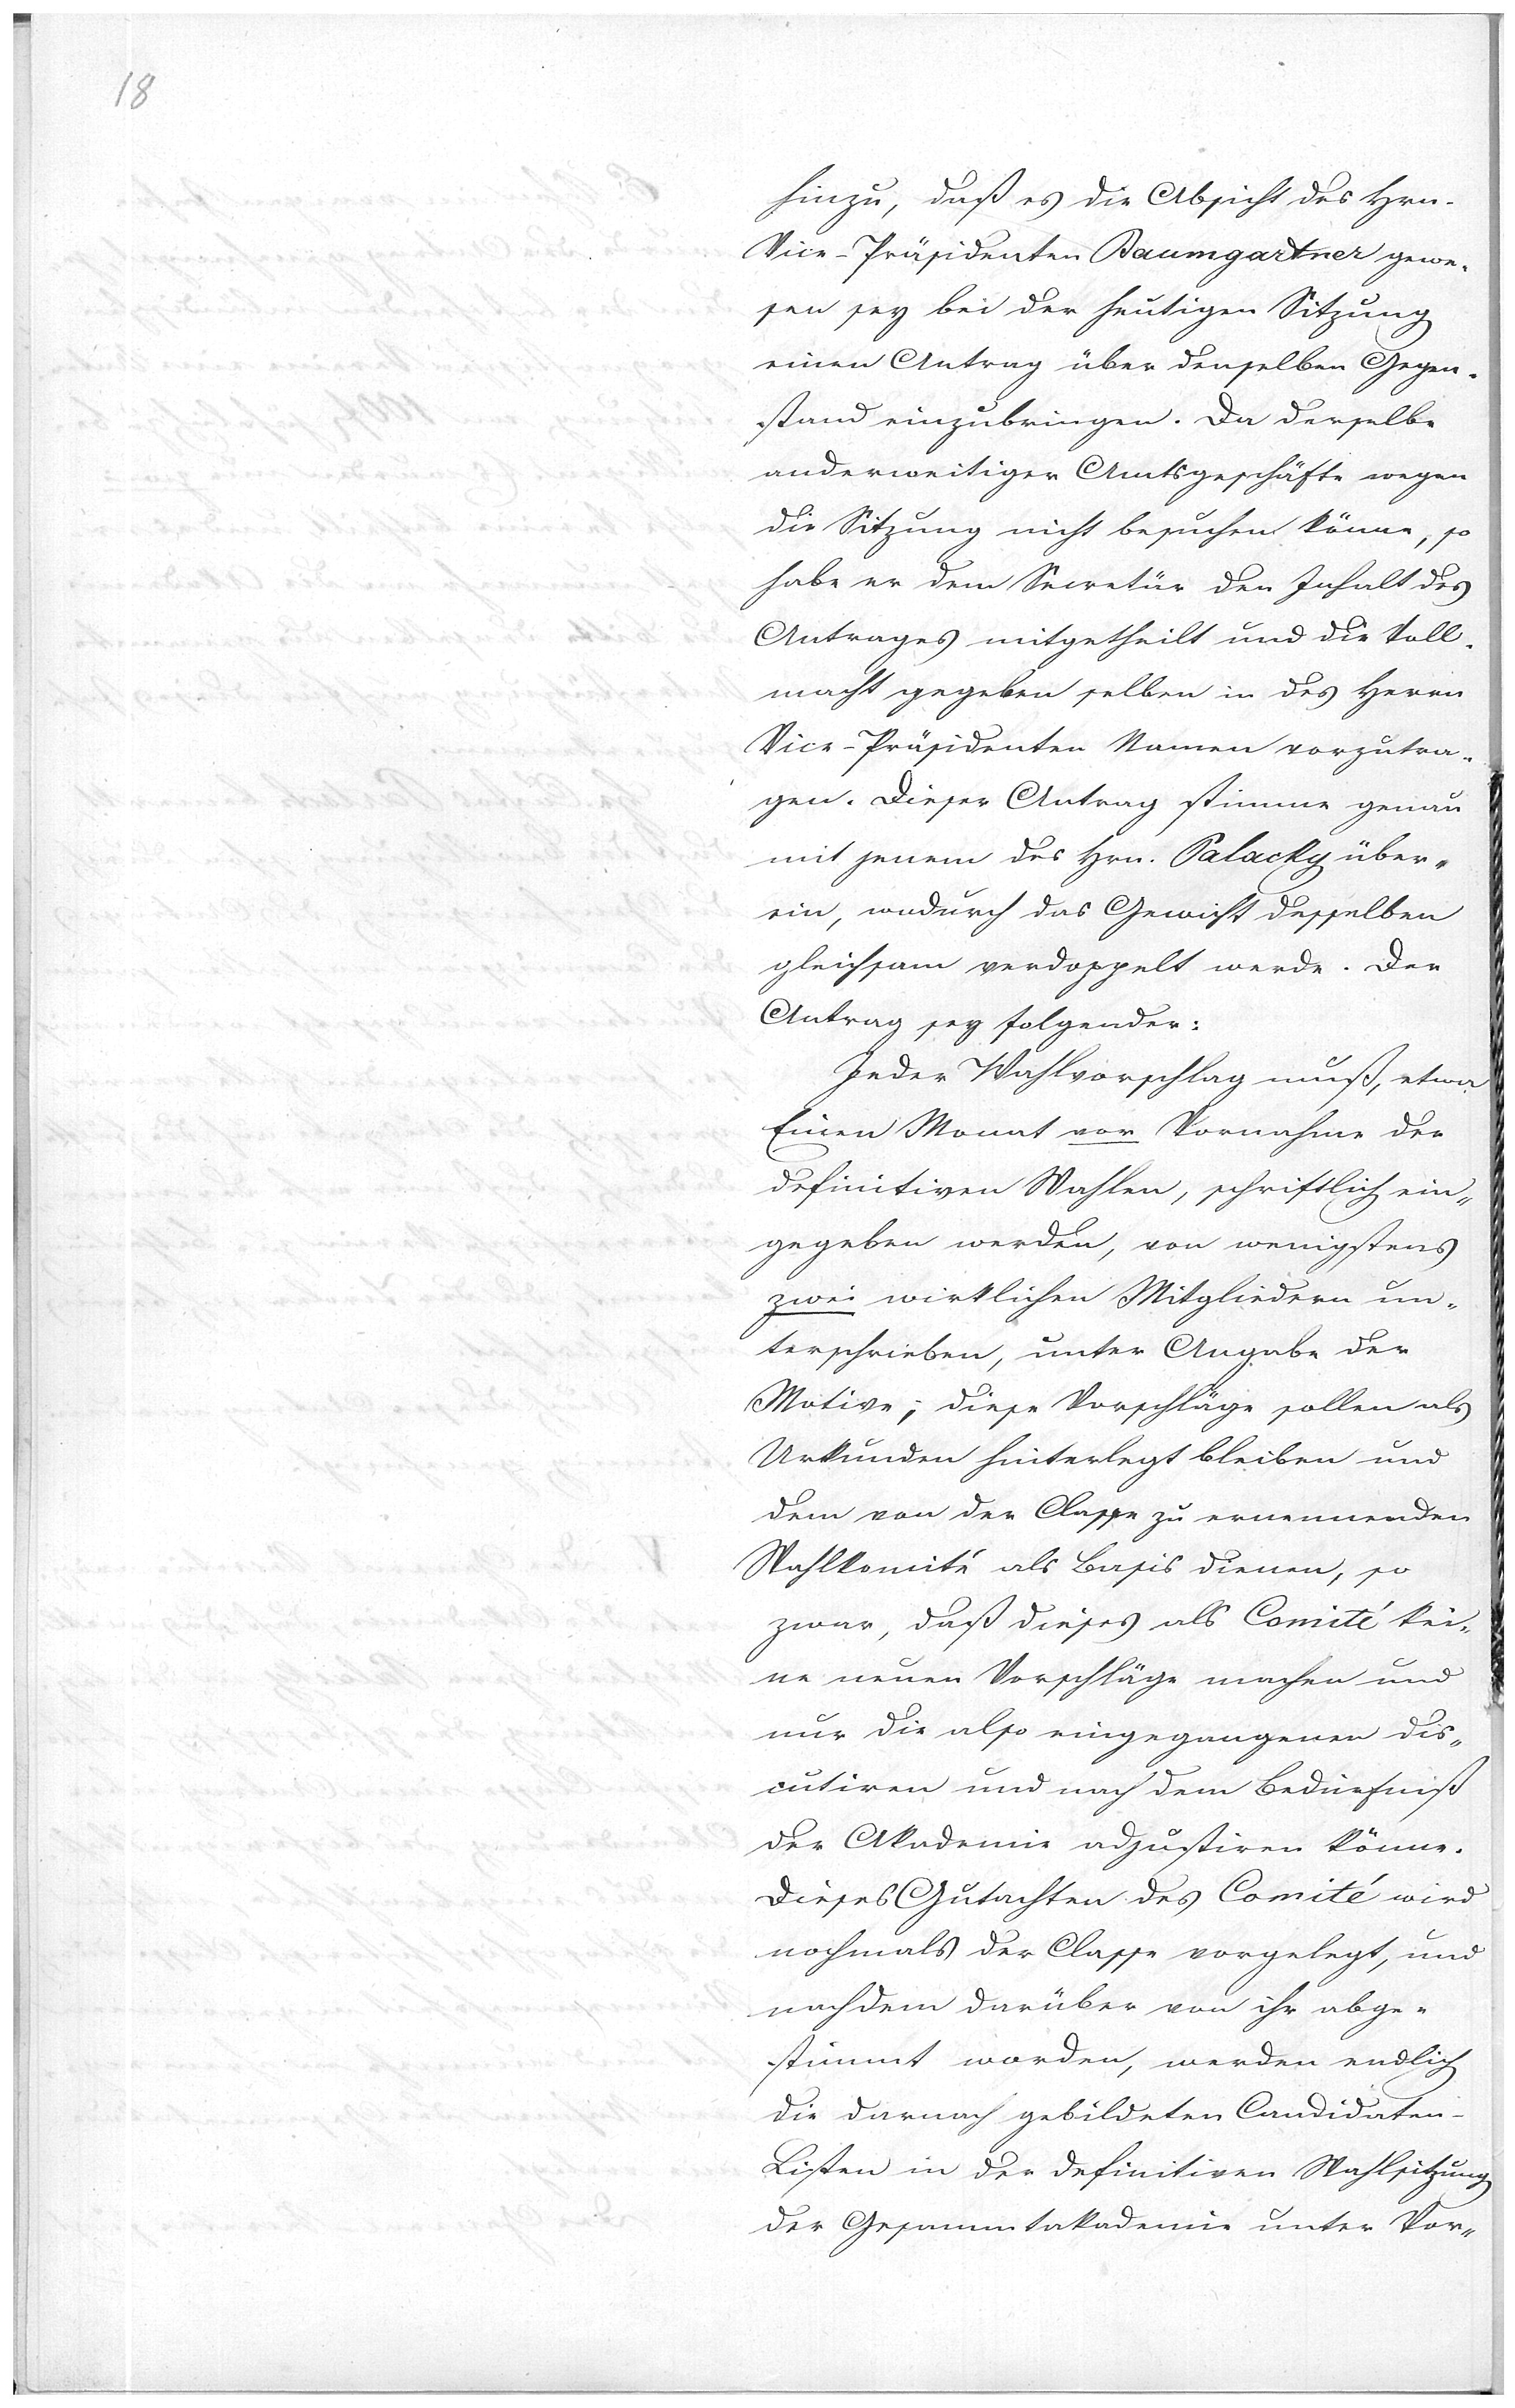hinzu, daß es die Absicht des Hrn.
Vice-Präsidenten Baumgartner gewe-
sen sey bei der heutigen Sitzung
einen Antrag über denselben Gegen-
stand einzubringen. Da derselbe
anderweitiger Amtsgeschäfte wegen
die Sitzung nicht besuchen könne, so
habe er dem Secretär den Inhalt des
Antrages mitgetheilt und die Voll-
macht gegeben selben in des Herrn
Vice-Präsidenten Namen vorzutra-
gen. Dieser Antrag stimme genau
mit jenem des Hrn. Palacky über-
ein, wodurch das Gewicht desselben
gleichsam verdoppelt werde. Der
Antrag sey folgender:
Jeder Wahlvorschlag muß, etwa
Einen Monat vor Vornahme der
definitiven Wahlen, schriftlich ein-
gegeben werden, von wenigstens
zwei wirklichen Mitgliedern un-
terschrieben, unter Angabe der
Motive; diese Vorschläge sollen als
Urkunden hinterlegt bleiben und
dem von der Classe zu ernennenden
Wahlkomité als Basis dienen, so
zwar, daß dieses als Comité kei-
ne neuen Vorschläge machen und
nur die also eingegangenen dis-
cutiren und nach dem Bedürfniß
der Akademie adjustiren könne.
Dieses Gutachten des Comité wird
nochmals der Classe vorgelegt, und
nachdem darüber von ihr abge-
stimmt worden, werden endlich
die darnach gebildeten Candidaten-
Listen in der definitiven Wahlsitzung
der Gesammtakademie unter Vor-